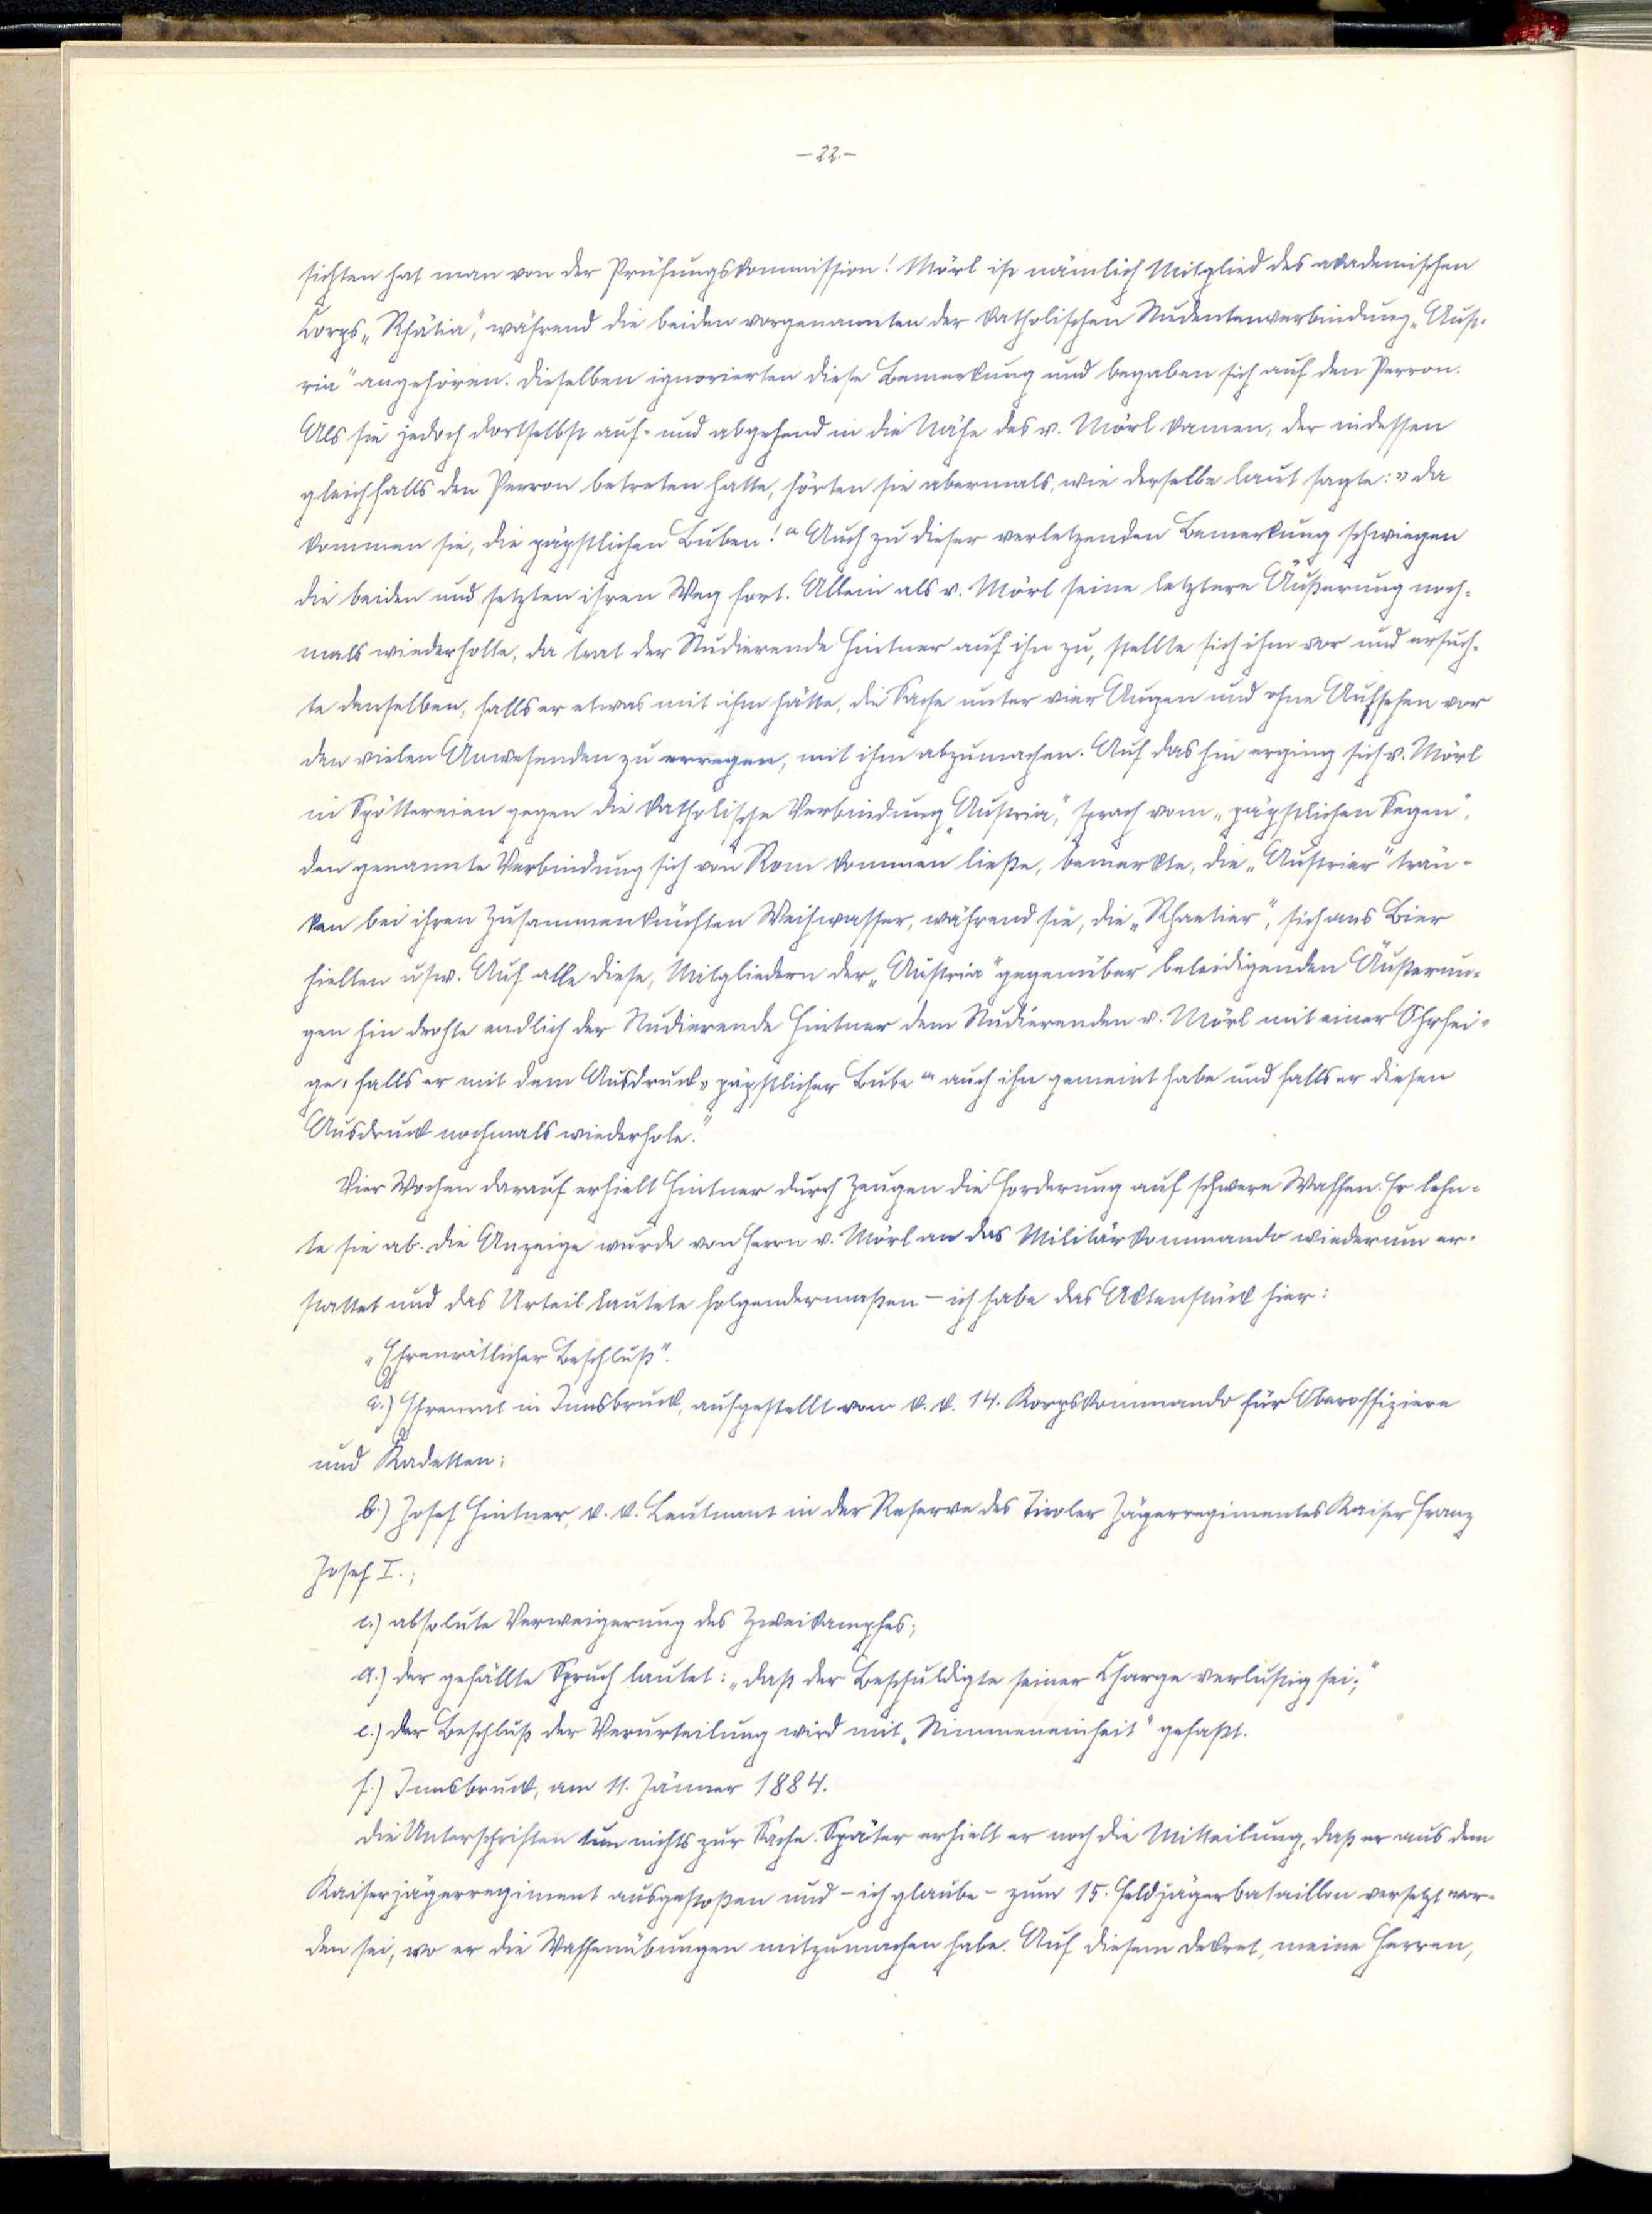22.
sichten hat man von der Prüfungskommission! Mörl ist nämlich Mitglied des akademischen
Corps "Rhätia" während die beiden vorgenannten der katholischen Studentenverbindung „Aust-
ria“ angehören. Dieselben ignorierten diese Bemerkung und begaben sich auf den Perron.
Als sie jedoch dortselbst auf- und abgehend in die Nähe des v. Mörl kamen, der indessen
gleichfalls den Perron betreten hatte, hörten sie abermals, wie derselbe laut sagte: "Da
kommen sie, die päpstlichen Buben!" Auch zu dieser verletzenden Bemerkung schwiegen
die beiden und setzten ihren Weg fort. Allein als v. Mörl seine letztere Äußerung noch-
mals wiederholte, da trat der Studierende Hintner auf ihn zu, stellte sich ihm vor und ersuch-
te denselben, falls er etwas mit ihm hätte, die Sache unter vier Augen und ohne Aufsehen vor
den vielen Anwesenden zu erregen, mit ihm abzumachen. Auf das hin erging sich v. Mörl
in Spöttereien gegen die katholische Verbindung "Austria“, sprach vom "päpstlichen Segen“
den genannte Verbindung sich von Rom kommen ließe, bemerkte, die „Austrier" trän-
ken bei ihren Zusammenkünften Weihwasser, während sie, die „Rhaetier“, sich ans Bier
hielten usw. Auf alle diese, Mitgliedern der „Austria“ gegenüber beleidigenden Äußerun
gen hin drohte endlich der Studierende Hintner dem Studierenden v. Mörl mit einer Ohrfei-
ge, falls er mit dem Ausdruck "päpstlicher Bube" auch ihn gemeint habe und falls er diesen
Ausdruck nochmals wiederhole.
Vier Wochen darauf erhielt Hintner durch Zeugen die Forderung auf schwere Waffen Er lehn-
te sie ab. Die Anzeige wurde von Herrn v. Mörl an das Militärkommando wiederum er-
stattet und das Urteil lautete folgendermaßen- ich habe das Aktenstück hier:
"Ehenrätlicher Beschluß".
a.) Ehrenrat in Innsbruck, aufgestellt vom k.k. 14. Korpskommando für Oberoffiziere
und Kadetten:
b.) Josef Hintner, k.k. Leutnant in der Reserve des Tiroler Jägerregimentes Kaiser Franz
Josef I.;
c.) absolute Verweigerung des Zweikampfes;
d.) Der gefällte Spruch lautet: „Daß der Beschuldigte seiner Charge verlustig sei;"
e.) der Beschluss der Verurteilung wird mit „Stimmeneinheit“ gefaßst.
f) Innsbruck, am 11. Jänner 1884.
Die Unterschriften tun nichts zur Sache. Später erhielt er noch die Mitteilung, daß er aus dem
Kaiserjägerregiment ausgestoßen und- ich glaube- zum 15. Feldjägerbataillon versetzt wor-
den sei, wo er die Waffenübungen mitzumachen habe. Auf diesem Dekret meine Herren,